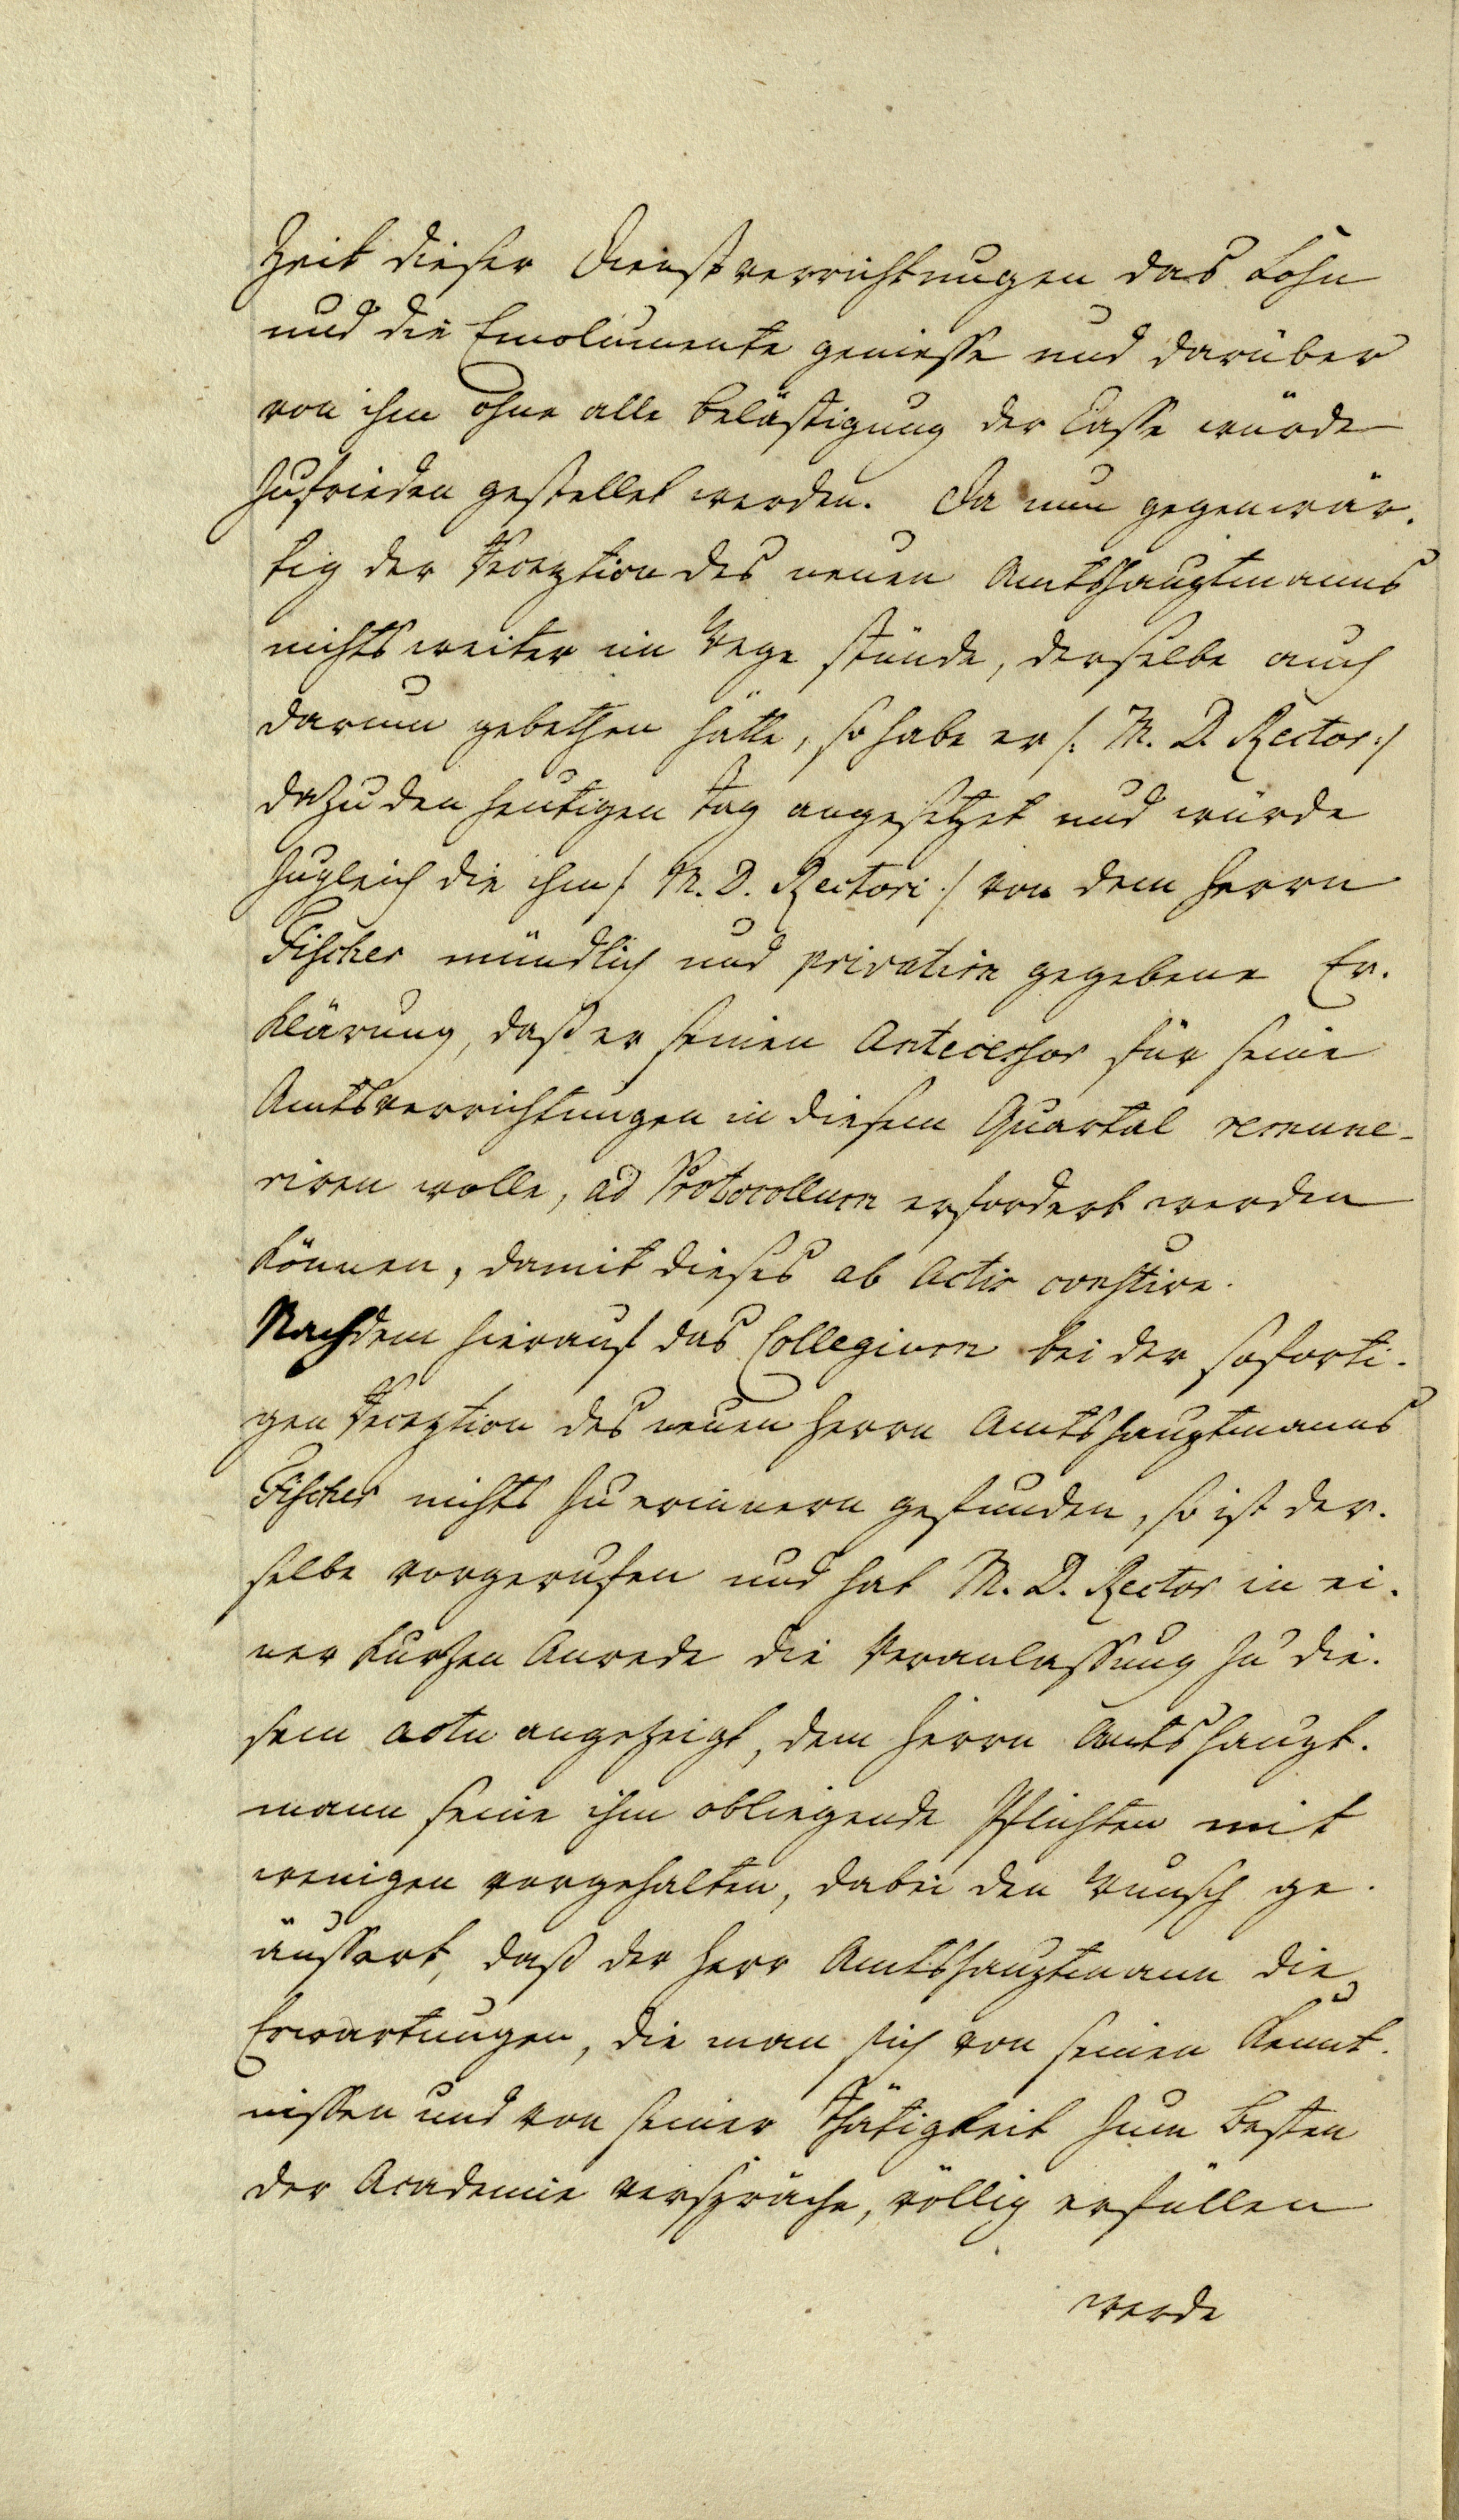Zeit dieser Dienstverrichtungen das Lohn
und die Emolumente geniesse und darüber
von ihm ohne alle Belästigung der Casse würde
zufrieden gestellet werden. Da nun gegenwär¬
tig der Reception des neuen Amtshauptmanns
nichts weiter im Wege stünde, derselbe auch
darum gebethen hätte, so habe er /: M. D. Rector :/
dazu den heutigen Tag angesetzet und würde
zugleich die ihm /: M D. Rectori ./ von dem Herrn
Fischer mündlich und privatim gegebene Er¬
klärung, daß er seinen Antecessor für seine
Amtsverrichtungen in diesem Quartal remune¬
riren wolle, ad Protocollum erfordert werden
können, damit dieses ab Actis constire.
Nachdem hierauf das Collegium bei der soforti¬
gen Reception des neuen Herrn Amtshauptmanns
Fischer nichts zu erinnern gefunden, so ist der¬
selbe vorgerufen und hat M. D. Rector in ei¬
ner kurzen Anrede die Veranlassung zu die¬
sem actu angezeigt, dem Herrn Amtshaupt¬
mann seine ihm obliegende Pflichten mit
wenigen vorgehalten, dabei den Wunsch ge¬
äussert, daß der Herr Amtshauptmann die
Erwartungen, die man sich von seinen Kennt¬
nissen und von seiner Thätigkeit zum Besten
der Academie verspräche, völlig erfüllen
werde